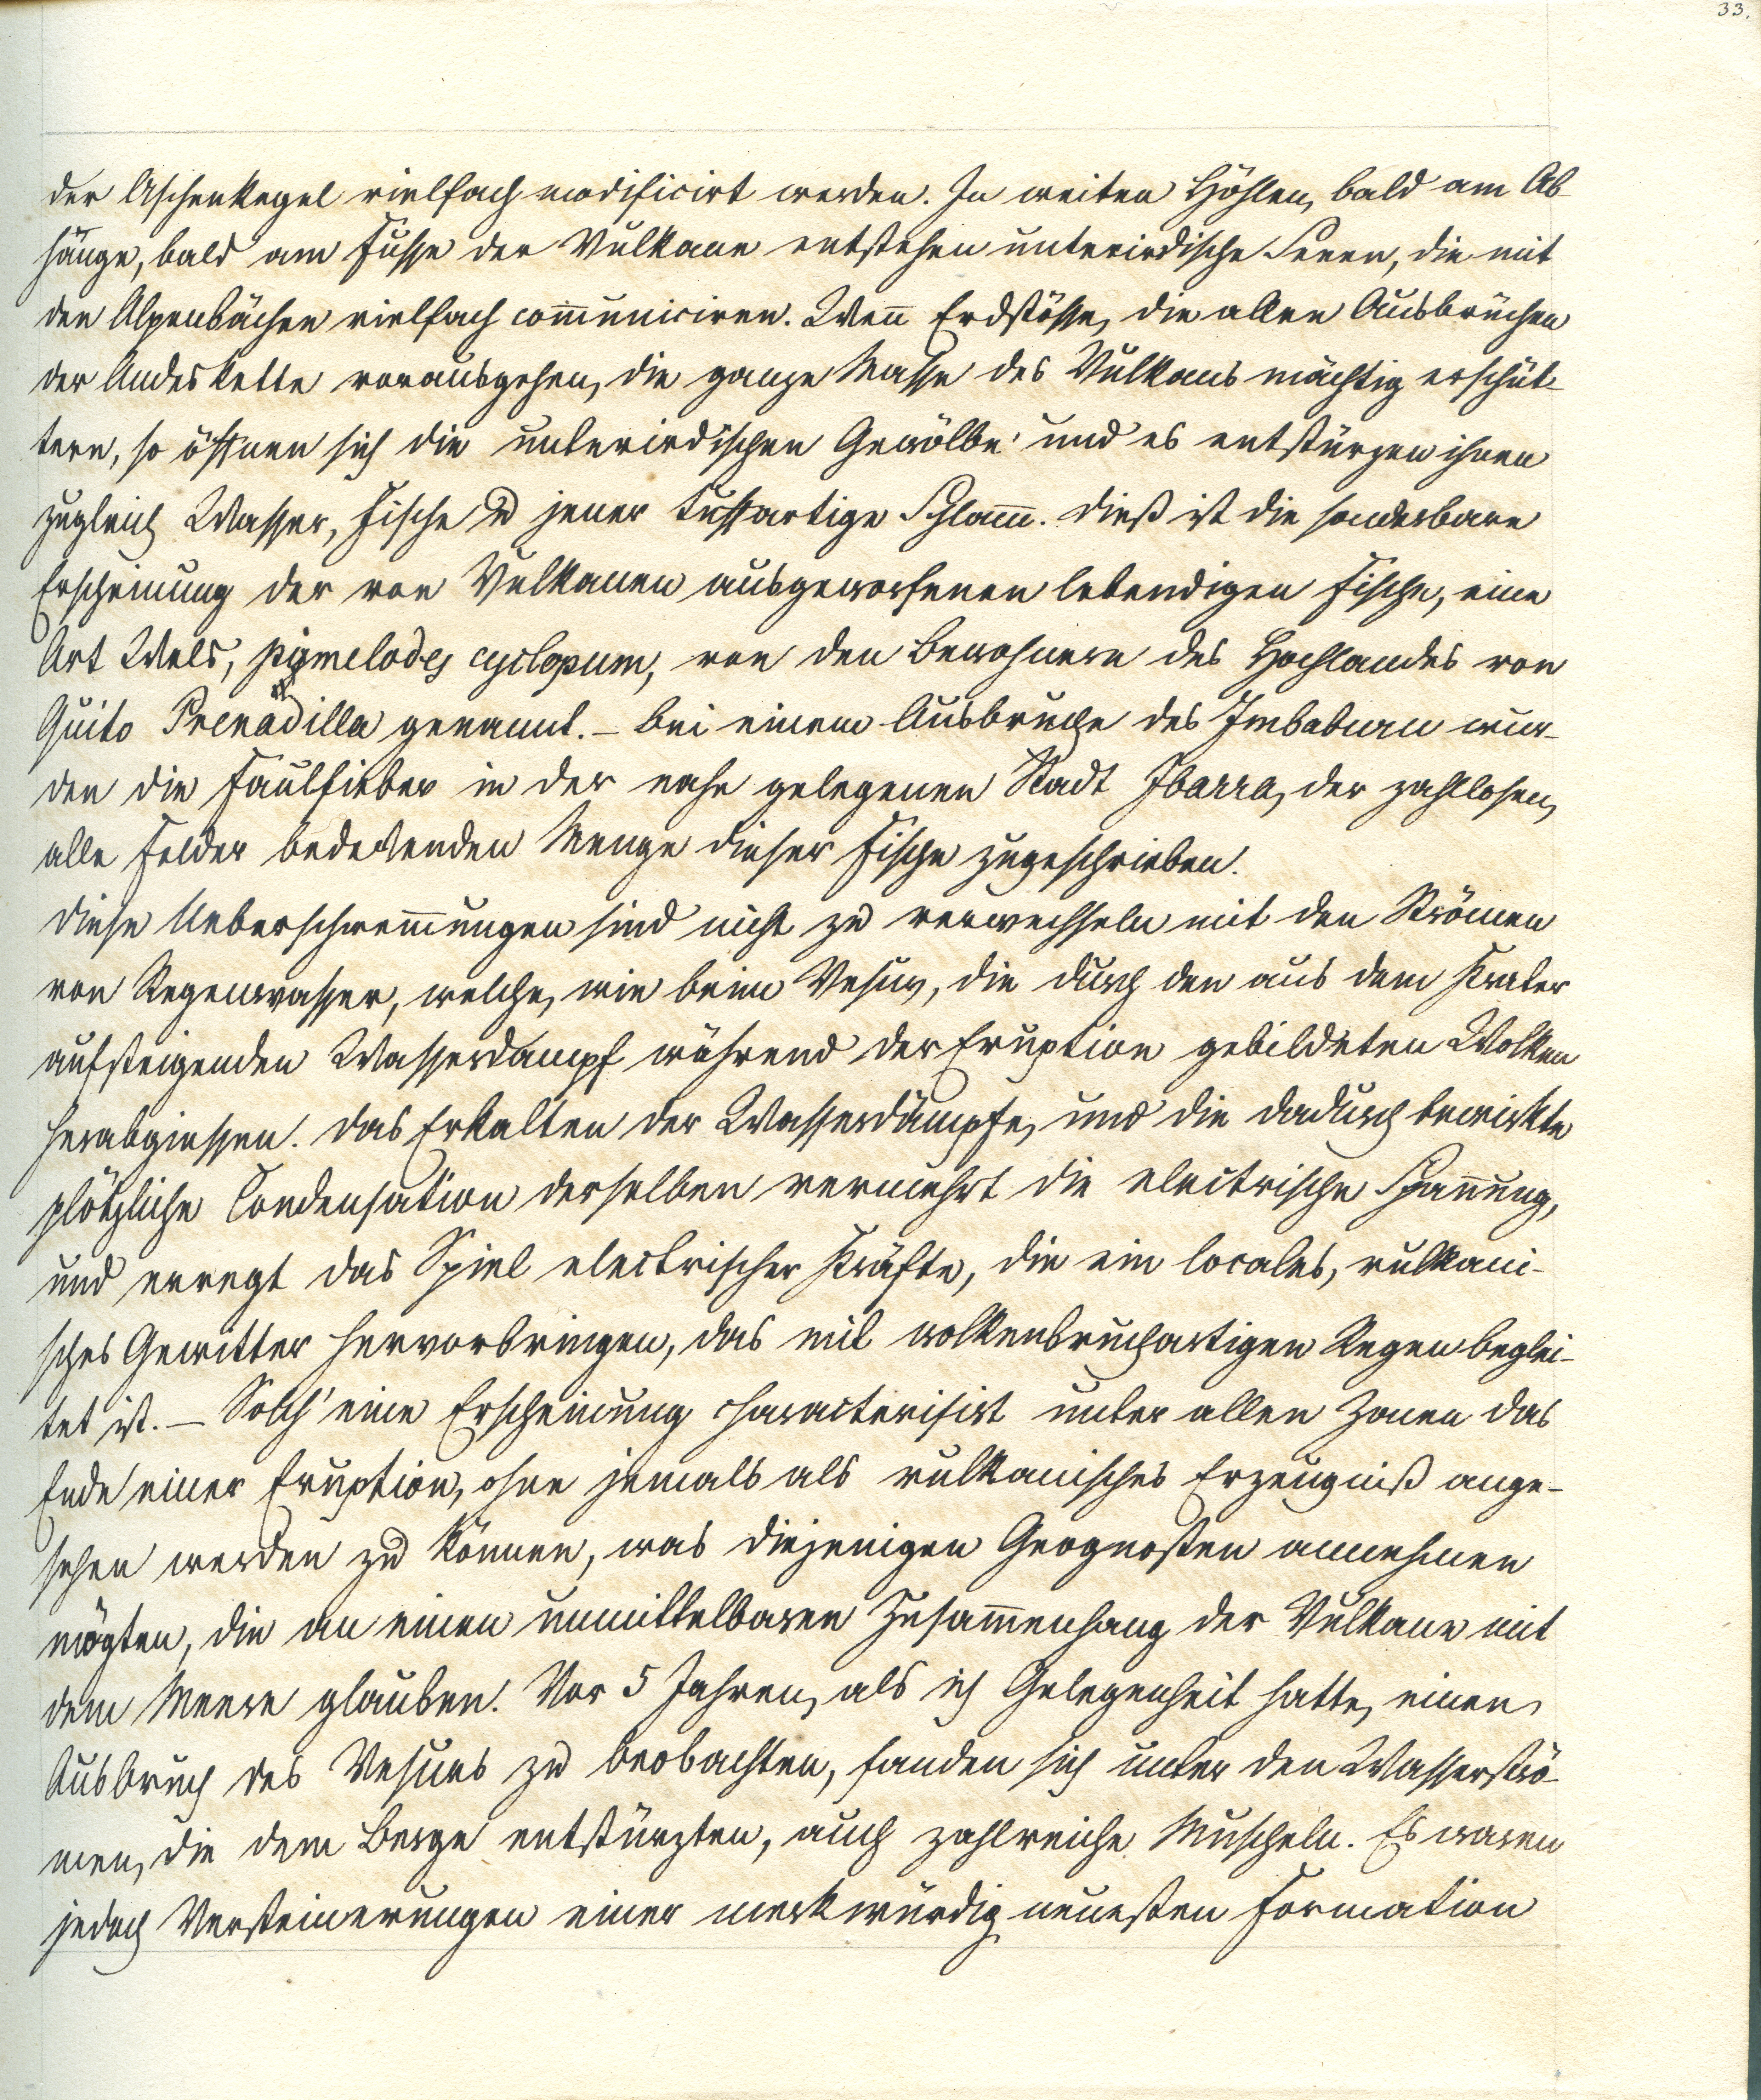der Aschenkegel vielfach modificirt werden. In weiten Höhlen, bald am Ab-
ha￼nge, bald am Fusse der Vulkane entstehen unterirdische Seeen, die mit
den Alpenbächen vielfach com̃uniciren. Weñ Erdstösse, die allen Ausbrüchen
der Andeskette vorausgehen, die ganze Masse des Vulkans mächtig erschüt-
tern, so öffnen sich die unterirdischen Gewölbe und es entstürzen ihnen
zugleich Wasser, Fische u jener tuffartige Schlam̃. Dieß ist die sonderbare
Erscheinung der von Vulkanen ausgeworfenen lebendigen Fische, eine
Art Wels, pyimelodes cyclopum, von den Bewohnern des Hochlandes von
Qũito Prenadilla genannt. – Bei einem Ausbruche des Imbaburu wur-
den die Faulfieber in der nahe gelegenen Stadt Ibarra, der zahllosen,
alle Felder bedeckenden Menge dieser Fische zugeschrieben.
Diese Ueberschwem̃ungen sind nicht zu verwechseln mit den Strömen
von Regenwasser, welche, wie beim Vesuv, die durch den aus dem Krater
aufsteigenden Wasserdampf während der Eruption gebildeten Wolken
herabgiessen. Das Erkalten der Wasserdämpfe, und die dadurch bewirkte
plötzliche Condensation derselben vermehrt die electrische Spañung,
und erregt das Spiel electrischer Kräfte, die ein locales, vulkani-
sches Gewitter hervorbringen, das mit einem wolkenbruchartigen Regen beglei-
tet ist. – Solch’ eine Erscheinung characterisirt unter allen Zonen das
Ende einer Eruption, ohne jemals als vulkanisches Erzeugniß ange-
sehen werden zu können, was diejenigen Geognosten annehmen
mögten, die an einen unmittelbaren Zusam̃enhang der Vulkane mit
dem Meere glauben. Vor 5 Jahren, als ich Gelegenheit hatte, einen
Ausbruch des Vesuvs zu beobachten, fanden sich unter den Wasserströ-
men, die dem Berge entstürzten, auch zahlreiche Muscheln. Es waren
jedoch Versteinerungen einer merkwürdig neuesten Formation